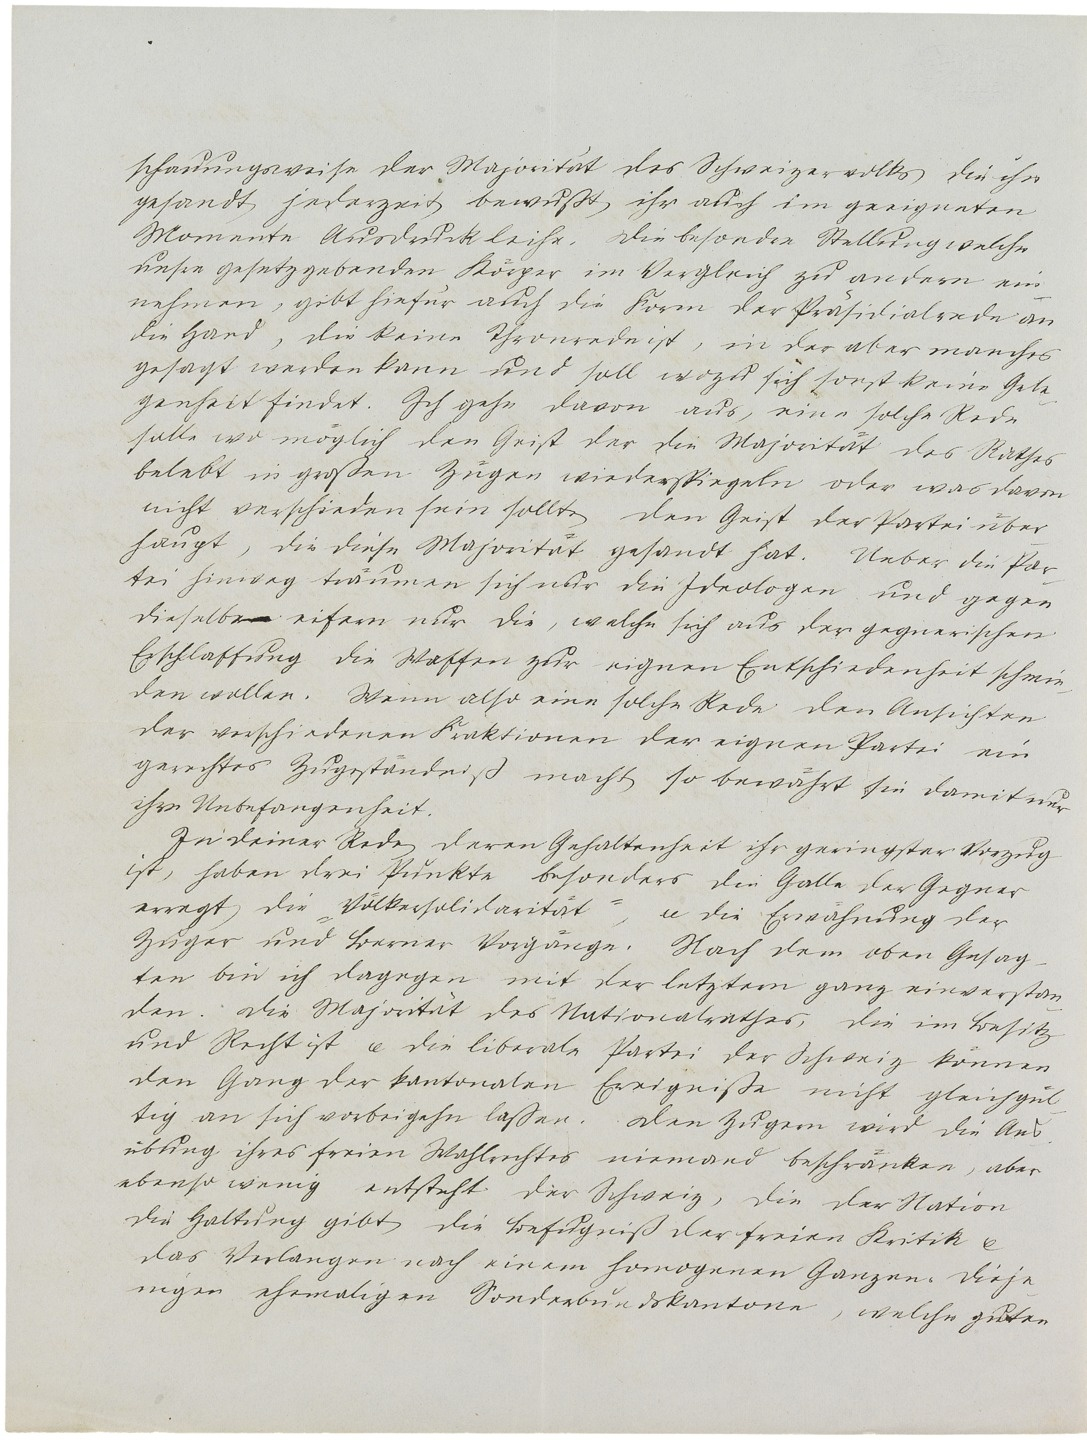schauungsweise der Majorität des Schweizervolks die ihn
gesandt, jederzeit bewußt, ihr auch im geeigneten
Momente Ausdruck leihe. Die besondre Stellung welche
unsre gesetzgebenden Körper im Vergleich zu andern ein-
nehmen, gibt hiefür auch die Form der Präsidialrede an
die Hand, die keine Thronrede ist, in der aber manches
gesagt werden kann und soll wozu sich sonst keine Gele-
genheit findet. Ich gehe davon aus, eine solche Rede
solle wo möglich den Geist der die Majorität des Rathes
belebt in großen Zügen wiederspiegeln oder was davon
nicht verschieden sein sollte, den Geist der Partei über-
haupt, die diese Majorität gesandt hat. Ueber die Par-
tei hinweg träumen sich nur die Ideologen und gegen
dieselben eifern nur die, welche sich aus der gegnerischen
Erschlaffung die Waffen zur eignen Entschiedenheit schmie-
den wollen. Wenn also eine solche Rede den Ansichten
der verschiedenen Fraktionen der eignen Partei ein
gerechtes Zugeständniß macht, so bewährt sie damit nur
ihre Unbefangenheit.
In deiner Rede, deren Gehaltenheit ihr geringster Vorzug
ist, haben drei Punkte besonders die Galle der Gegner
erregt, die «Völkersolidarität», & die Erwähnung der
Zuger und Berner Vorgänge. Nach dem oben Gesag-
ten bin ich dagegen mit der letztern ganz einverstan-
den. Die Majorität des Nationalrathes, die im Besitz
und Recht ist & die liberale Partei der Schweiz können
den Gang der kantonalen Ereignisse nicht gleichgül-
tig an sich vorbeigehn lassen. Den Zugern wird die Aus-
übung ihres freien Wahlrechtes niemand beschränken, aber
ebenso wenig entsteht der Schweiz, die der Nation
die Haltung gibt, die Befugniß der freien Kritik &
das Verlangen nach einem homogenen Ganzen. Dieje-
nigen ehemaligen Sonderbundskantone, welche guten